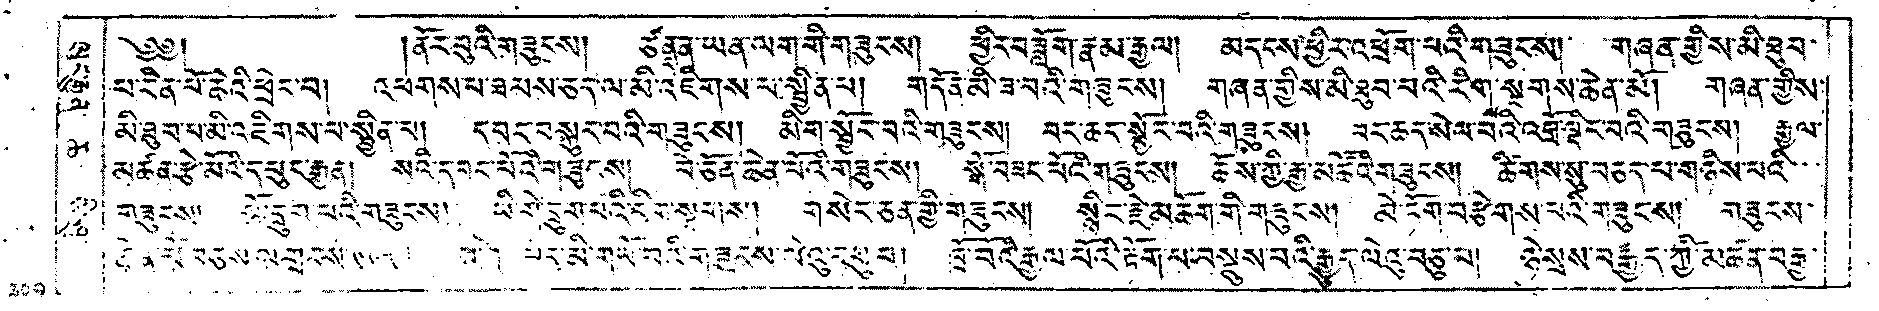༄༅། །ནོར་བུའི་གཟུངས། ཙནྡན་ཡན་ལག་གི་གཟུངས། ཕྱིར་བཟློག་རྣམ་རྒྱལ། མདངས་ཕྱིར་འཕྲོག་པའི་གཟུངས། གཞན་གྱིས་མི་ཐུབ་
པ་རིན་པོ་ཆེའི་ཕྲེང་བ། འཕགས་པ་ཐམས་ཅད་ལ་མི་འཇིགས་པ་སྦྱིན་པ། གདོན་མི་ཟ་བའི་གཟུངས། གཞན་གྱིས་མི་ཐུབ་པའི་རིགས་སྔགས་ཆེན་མོ། གཞན་གྱིས་
མི་ཐུབ་པ་མི་འཇིགས་པ་སྦྱིན་པ། དབང་བསྐུར་བའི་གཟུངས། མིག་སྦྱོང་བའི་གཟུངས། བར་ཆད་སྦྱོང་བའི་གཟུངས། བར་ཆད་སེལ་བའི་འགྲོ་ལྡིང་བའི་གཟུངས། རྒྱལ་
མཚན་རྩེ་མོའི་དཔུང་རྒྱན། སའི་དབང་པོའི་གཟུངས། བེ་ཅོན་ཆེན་པོའི་གཟུངས། སྒོ་བཟང་པོའི་གཟུངས། ཆོས་ཀྱི་རྒྱ་མཚོའི་གཟུངས། ཚིགས་སུ་བཅད་པ་གཉིས་པའི་
གཟུངས། སྒོ་དྲུག་པའི་གཟུངས། ཡི་གེ་དྲུག་པའི་རིག་སྔགས། གསེར་ཅན་གྱི་གཟུངས། སྙིང་རྗེ་མཆོག་གི་གཟུངས། མེ་ཏོག་བརྩེགས་པའི་གཟུངས། གཟུངས་
ཆེན་མོ་བཅས་ལ་གྲངས ༤༤༥། ཕ྄་པར་མི་གཡོ་བའི་གཟུངས་ལེའུ་དགུ་པ། ཁྲོ་བོའི་རྒྱལ་པོའི་རྟོག་པ་བསྡུས་པའི་རྒྱུད་ལེའུ་བཅུ་པ། ཉེ་སྲས་བརྒྱད་ཀྱི་མཚན་བརྒྱ་